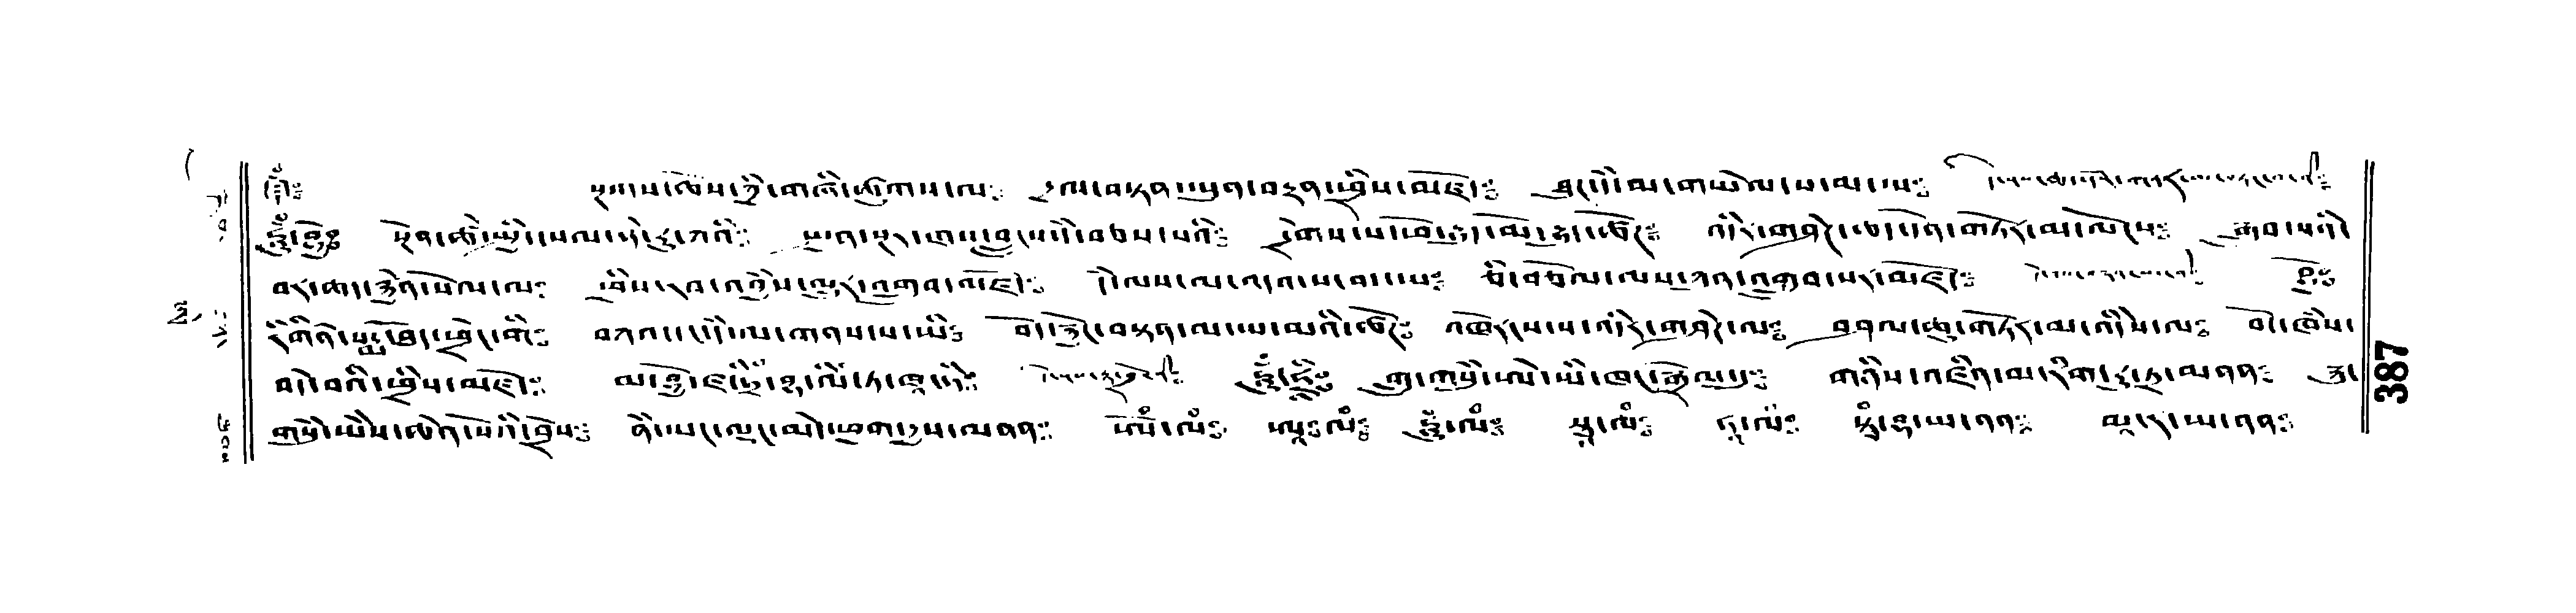སྔགས་ཆོས་ཀྱི་གཞི་ཚུགས་ལ༔ རྒྱལ་བསྟན་ཡུན་བརྟན་ཕྲིན་ལས་མཛོད༔ ཐུགས་དམ་མ་གཡེལ་ས་མ་ཡ༔ དེ་ནས་ཆད་དོན་ཐོའི་མ་གཏོང་བ་ནི༔
ཧཱུྃ་བྷྱོ༔ སྔོན་ཚེ་སྤྱི་དཔལ་ཧེ་རུ་ཀའི༔ སྤྱན་སྔར་ཁས་བླངས་དམ་བཅས་པའི༔དྲེགས་པ་ཕོ་རྒྱུད་མོ་རྒྱུད་ཚོགས༔ འདིར་གཤེགས་ཆད་ཐོའི་གཏོར་མ་ལོངས༔ སྒྲུབ་པའི་
བར་ཆད་རྐྱེན་སོལ་ལ༔ ཕྲིན་ལས་རབ་འབྱམས་མྱུར་འགྲུབ་མཛོད༔ དམ་ལས་ལ་འདའ་ས་མ་ཡ༔ ཅི་བཅོལ་ལས་ཀུན་འགྲུབ་པར་མཛོད༔ དེ་ནས་བསྟན་མ་ནི༔ བྷྱོ༔ 
རིག་འཛིན་པདྨ་ཐོད་ཕྲེང་གིཿ བཀའ་དང་དམ་ལ་གནས་པ་ཡི༔ བོད་སྐྱོང་བསྟན་མ་ཡ་མའི་ཚོགས༔ འཁོར་དང་བཅས་པ་འདིར་གཤེགས་ལ༔ བཤལ་ཆུའི་གཏོར་མ་འདི་བཞེས་ལ༔ བོད་ཁམས་
བདེ་བའི་ཕྲིན་ལས་མཛོད༔ མ་བྷྱོ་ཛ་ཧྲིཾ་བྷ་ལིཾ་ཏ་ཁཱ་ཧི༔ དེ་ནས་རྟ་བྲོ་ནི༔ ཧཱུྃ་ཧྲཱིཿ གྲུ་གསུམ་ཨེ་ཡི་ཁང་སྒྲོམ་དུ༔ གཉིས་འཛིན་མ་རིག་རུ་ཏྲ་མནན༔ སྐུ་
གསུམ་ཡེ་ཤེས་ཆེན་པོའི་བྲོས༔ ནམ་ཡང་ལྡང་མེད་ཕྱག་རྒྱས་མནན༔ ཨོཾ་ལཾ༔ ཨཱཿལཾ༔ ཧཱུྃ་ལཾ༔ སྭཱ་ལཾ༔ ཧཱ་ལཾ༔ སྟྭཾ་བྷ་ཡ་ནན༔ མཱ་ར་ཡ་ནན༔